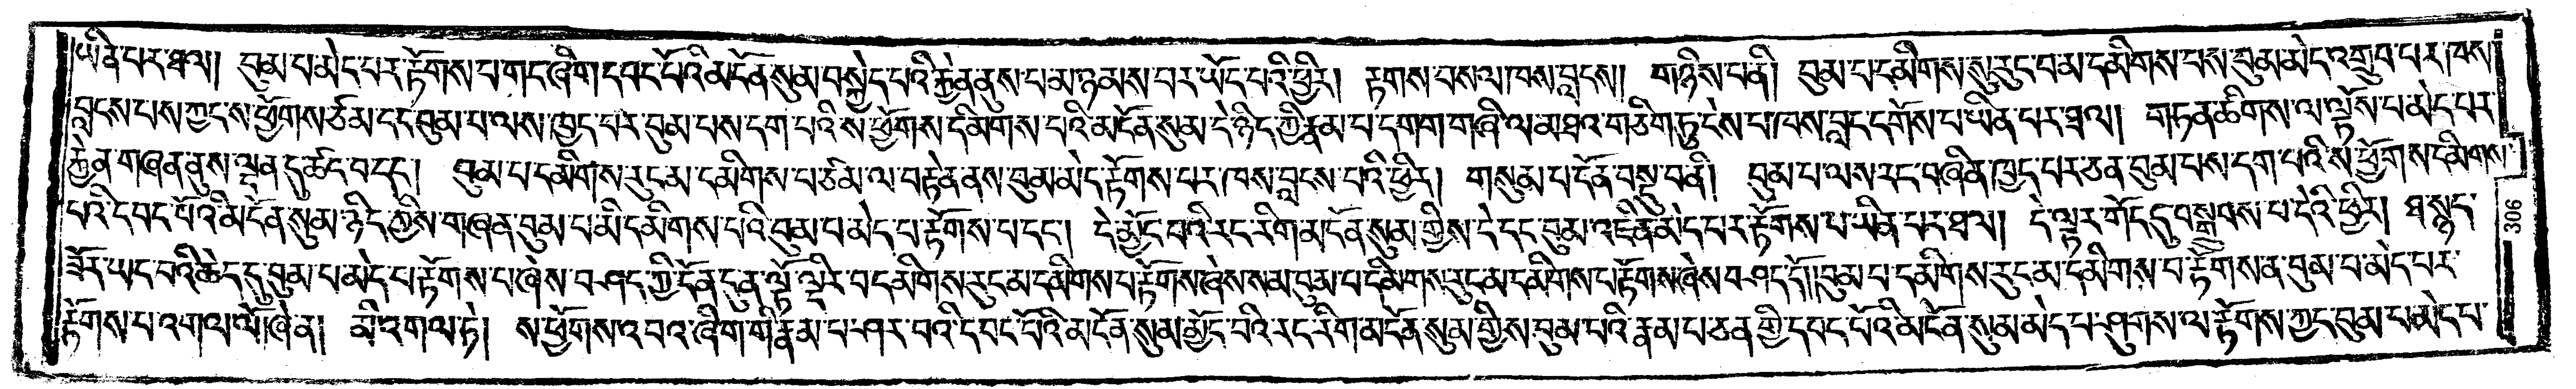ཡིན་པར་ཐལ། བུམ་པ་མེད་པར་རྟོགས་པ་གང་ཞིག་དབང་པོའི་མངོན་སུམ་བསྐྱེད་པའི་རྐྱེན་ནུས་པ་མ་ཉམས་པར་ཡོད་པའི་ཕྱིར། རྟགས་པས་ལ་ཁས་བླངས། གཉིས་པ་ནི། བུམ་པ་དམིགས་སུ་རུང་བ་མ་དམིགས་པས་བུམ་མེད་འགྲུབ་པར་ཁས་
བླངས་པས་ཀྱང་ས་ཕྱོགས་ཙམ་དང་བུམ་པ་ལས་ཁྱད་པར་བུམ་པས་དག་པའི་ས་ཕྱོགས་དམིགས་པའི་མངོན་སུམ་དེ་ཉིད་ཀྱི་རྣམ་པ་དགག་གཞི་ལ་མཐའ་གཅིག་ཏུ་ངེས་པ་ཁས་བླང་དགོས་པ་ཡིན་པར་ཐལ། གཏན་ཚིགས་ལ་ལྟོས་པ་མེད་པར་
རྐྱེན་གཞན་ནུས་ལྡན་དུ་ཚང་བ་དང་། བུམ་པ་དམིགས་རུང་བ་དམིགས་པ་ཙམ་ལ་བརྟེན་ནས་བུམ་མེད་རྟོགས་པར་ཁས་བླངས་པའི་ཕྱིར། གསུམ་པ་དོན་བསྡུ་བ་ནི། བུམ་པ་ལས་རང་བཞིན་ཁྱད་པར་ཅན་བུམ་པས་དག་པའི་ས་ཕྱོགས་དམིགས་
པའི་དབང་པོའི་མངོན་སུམ་ཉིད་ཀྱིས་གཞན་བུམ་པ་མི་དམིགས་པའི་བུམ་པ་མེད་པ་རྟོགས་པ་དང་། དེ་མྱོང་བའི་རང་རིག་མངོན་སུམ་གྱིས་དེ་དང་བུམ་འཛིན་མེད་པར་རྟོགས་པ་ཡིན་པར་ཐལ། དེ་ལྟར་གོང་དུ་བསྒྲུབས་པ་དེའི་ཕྱིར། ཐ་སྙད་
ཟོར་ཡང་བའི་ཆེད་དུ་བུམ་པ་མེད་པ་རྟོགས་པ་ཞེས་བཤད་ཀྱི་དོན་དུ་ན་ལྟོ་ལྡིར་བ་དམིགས་རུང་མ་དམིགས་རུང་མ་དམིགས་པ་རྟོགས་ཞེས་སམ་བུམ་པ་དམིགས་རུང་མ་དམིགས་པ་རྟོགས་ཞེས་བཤད་དོ། །བུམ་པ་དམིགས་རུང་མ་དམིགས་པ་རྟོགས་ན་བུམ་པ་མེད་པར་
རྟོགས་པ་འགལ་ལོ། ཞེ་ན། མི་འགལ་ཏེ། ས་ཕྱོགས་འབའ་ཞིག་གི་རྣམ་པ་ཤར་བའི་དབང་པོའི་མངོན་སུམ་མྱོང་བའི་རང་རིག་མངོན་སུམ་གྱིས་བུམ་པའི་རྣམ་པ་ཅན་གྱི་དབང་པོའི་མངོན་སུམ་མེད་པ་ཤུགས་ལ་རྟོགས་ཀྱང་བུམ་པ་མེད་པ་